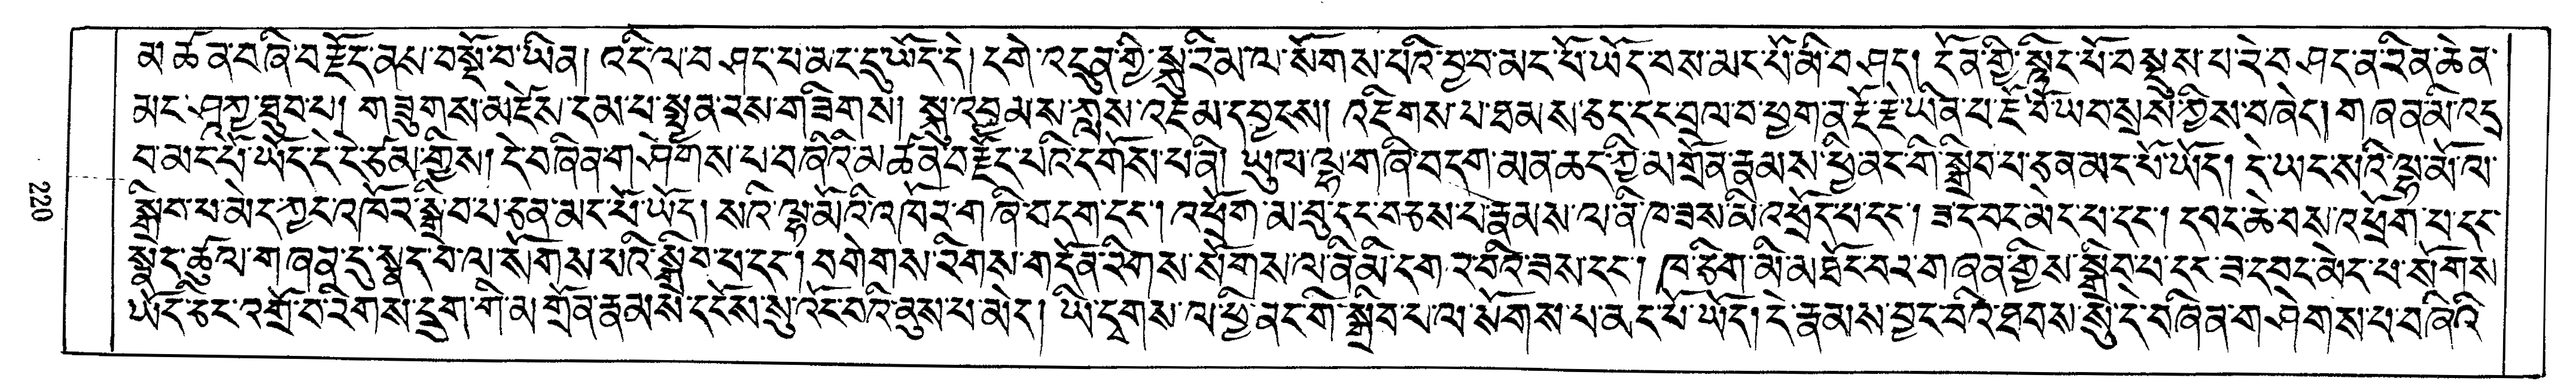མཚན་བཞི་བརྗོད་ནས་བསྔོ་བ་ཡིན། འདི་ལ་བཤད་པ་མང་དུ་ཡོད་དེ། དགེ་འདུན་གྱི་སྐུ་རིམ་ལ་སོགས་པའི་བྱ་བ་མང་པོ་ཡོད་བས་མང་བོ་མི་བཤད། དོན་གྱི་སྙིང་པོ་བསྡུས་བ་རེ་བཤད་ན་རིན་ཆེན་
མང་ཤཱཀྱ་ཐུབ་བ། གཟུགས་མཛེས་དམ་པ་སྤྱན་རས་གཟིགས། སྐུ་འབྱམས་ཀླས་འཇམ་དབྱངས། འཇིགས་པ་ཐམས་ཅད་དང་བྲལ་བ་ཕྱག་ན་རྡོ་རྗེ་ཡིན་པ་ཇོ་བོ་ཡབ་སྲས་ཀྱིས་བཞེང་། གཞན་མི་འདྲ་
བ་མང་པོ་ཡོད་དེ་དེ་ཙམ་གྱིས། དེ་བཞིན་གཤེགས་པ་བཞིའི་མཚན་བརྗོད་པའི་དགོས་པ་ནི། ཡུལ་ལྷ་གཞི་བདག་མན་ཆད་ཀྱི་མགྲོན་རྣམས་ཕྱི་ནང་གི་སྒྲིབ་པ་ཅན་མང་པོ་ཡོད། དེ་ཡང་སའི་ལྷ་མོ་ལ་
སྒྲིབ་པ་མེད་ཀྱང་འཁོར་སྒྲིབ་པ་ཅན་མང་པོ་ཡོད། སའི་ལྷ་མོའི་འཁོར་གཞི་བདག་དང་། འཕྲོག་མ་བུ་དང་བཅས་པ་རྣམས་ལ་ནི་ཁ་ཟས་མི་འཕྲོད་པ་དང་། ཟ་དབང་མེད་པ་དང་། དབང་ཆེ་བས་འཕྲོག་པ་དང་།
སྣང་ཚུལ་གཞན་དུ་སྣང་བ་ལ་སོགས་པའི་སྒྲིབ་པ་དང་། བགེགས་རིགས་གདོན་རིགས་སོགས་ལ་ནི་མི་དགའ་བའི་ཟས་དང་། ཁ་ཅིག་མི་མཐོང་པར་གཞན་གྱིས་སྒྲིབ་པ་དང་ཟ་དབང་མེད་པ་སོགས་
ཡོད་ཅིང་འགྲོ་བ་རིགས་དྲུག་གི་མགྲོན་རྣམས་དངོས་སུ་འོང་བའི་ནུས་པ་མེད། ཡི་དྭགས་ལ་ཕྱི་ནང་གི་སྒྲིབ་པ་ལ་སོགས་པ་མང་པོ་ཡོད། དེ་རྣམས་བྱང་བའི་ཐབས་སུ་དེ་བཞིན་གཤེགས་པ་བཞིའི་